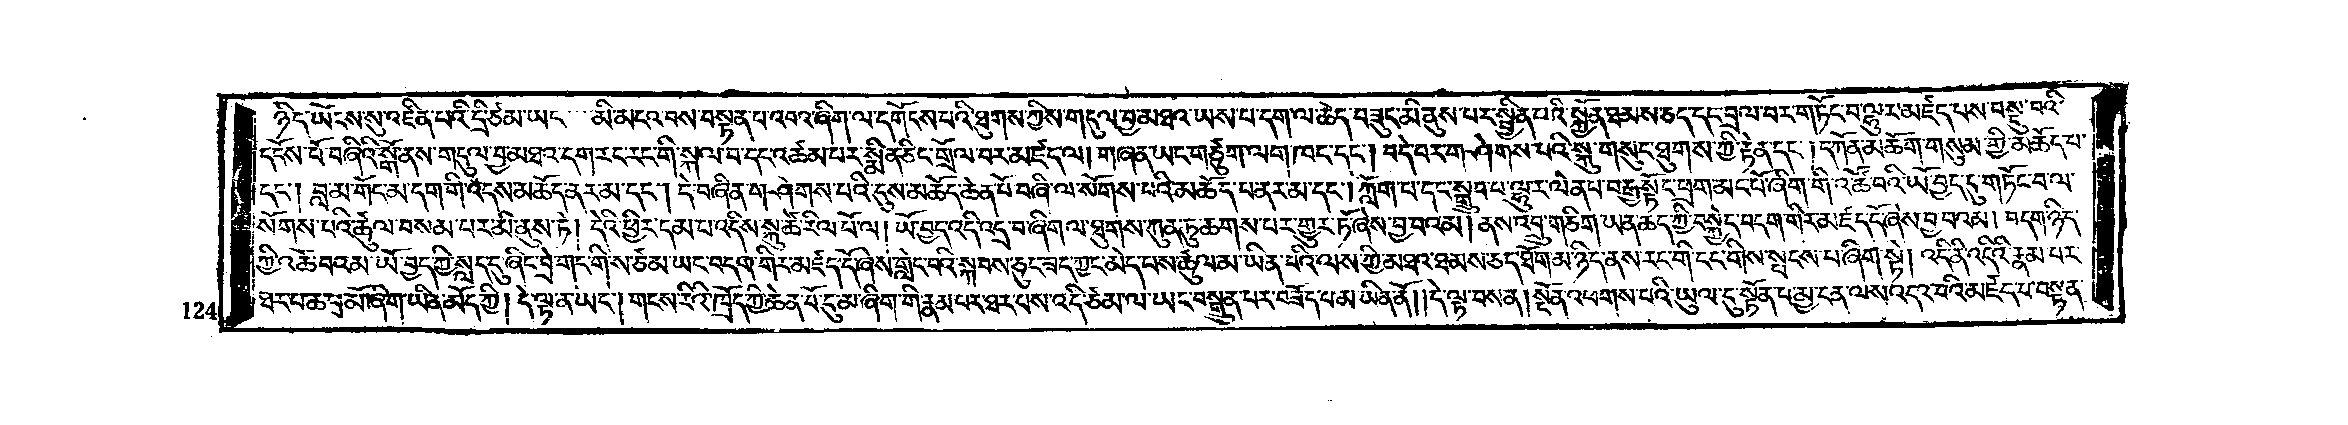ཉིད་ཡོངས་སུ་འཛིན་པའི་དྲི་ཙམ་ཡང་མི་མངའ་བས་བསྟན་པ་འབའ་ཞིག་ལ་དགོངས་པའི་ཐུགས་ཀྱིས་གདུལ་བྱ་མཐའ་ཡས་པ་དག་ལ་ཆེད་བཟུང་མི་ནུས་པར་སྦྱིན་པའི་སྐྱོན་ཐམས་ཅད་དང་བྲལ་བར་གཏོང་བ་ལྷུར་མཛད་པས་བསྡུ་བའི་
དངོས་པོ་བཞིའི་སྒོ་ནས་གདུལ་བྱ་མཐའ་དག་རང་རང་གི་སྐལ་བ་དང་འཚམ་པར་སྨིན་ཅིང་གྲོལ་བར་མཛད་ལ། གཞན་ཡང་གཙུག་ལག་ཁང་དང་། བདེ་བར་གཤེགས་པའི་སྐུ་གསུང་ཐུགས་ཀྱི་རྟེན་དང་། དཀོན་མཆོག་གསུམ་གྱི་མཆོད་པ་
དང་། བླ་མ་གོང་མ་དག་གི་འདས་མཆོད་ནར་མ་དང་། དེ་བཞིན་གཤེགས་པའི་དུས་མཆོད་ཆེན་པོ་བཞི་ལ་སོགས་པའི་མཆོད་པ་ནར་མ་དང་། ཀློག་པ་དང་སྒྲུབ་པ་ལྷུར་ལེན་པ་བརྒྱ་སྟོང་ཕྲག་མང་པོ་ཞིག་གི་འཚོ་བའི་ཡོ་བྱད་དུ་གཏོང་བ་ལ་
སོགས་པའི་ཚུལ་བསམ་པར་མི་ནུས་ཏེ། དེའི་ཕྱིར་དམ་པ་འདིས་སྐུ་ཚེ་རིལ་པོ་ལ། ཡོ་བྱད་འདི་འདྲ་བ་ཞིག་ལ་ཐུགས་ཀུན་ཏུ་ཆགས་པར་གྱུར་ཏོ་ཞེས་བྱ་བའམ། ནས་འབྲུ་གཅིག་ཡན་ཆད་ཀྱི་བསྐྱེད་བདག་གིར་མཛད་དོ་ཞེས་བྱ་བའམ། བདག་ཉིད་
ཀྱི་འཚོ་བའམ་ཡོ་བྱད་ཀྱི་སླད་དུ་ཞིང་བྲེ་གང་གི་ས་ཙམ་ཡང་བདག་གིར་མཛད་དོ་ཞེས་གླེང་བའི་སྐབས་ཅུང་ཟད་ཀྱང་མེད་པས་ཚུལ་མ་ཡིན་པའི་ལས་ཀྱི་མཐའ་ཐམས་ཅད་ཐོག་མ་ཉིད་ནས་རང་གི་ངང་གིས་སྤངས་པ་ཞིག་སྟེ། འདི་ནི་འདིའི་རྣམ་པར་
ཐར་པ་ཆ་ཕྲ་མོ་ཞིག་ཡིན་མོད་ཀྱི། དེ་ལྟ་ན་ཡང་། གངས་རིའི་ཁྲོད་ཀྱི་ཆེན་པོ་དུ་མ་ཞིག་གི་རྣམ་པར་ཐར་པས་འདི་ཙམ་ལ་ཡང་བསྒྲུན་པར་བཟོད་པ་མ་ཡིན་ནོ། །དེ་ལྟ་བས་ན། སྔོན་འཕགས་པའི་ཡུལ་དུ་སྟོན་པ་མྱ་ངན་ལས་འདའ་བའི་མཛད་པ་བསྟན་